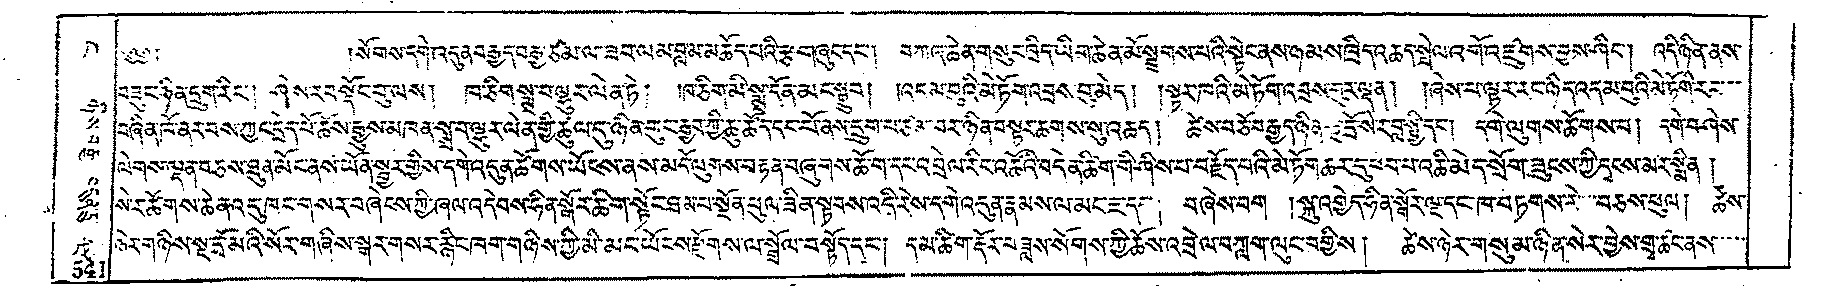༄༅། །སོགས་དགེ་འདུན་བརྒྱད་བརྒྱ་ཙམ་ལ་ཟབ་ལམ་བླ་མ་མཆོད་པའི་རྩ་གཞུང་དང་། བཀའ་ཆེན་གསུང་ཁྲིད་ཡིག་ཆེན་མོ་སྦྲགས་པའི་སྟེང་ནས་ཉམས་ཁྲིད་འཆད་སྤེལ་འགོ་འཛུགས་བྱས་ཤིང་། འདི་ཉིན་ནས་
བཟུང་ཉིན་དྲུག་རིང་། ཤེས་རབ་སྡོང་བུ་ལས། ཁ་ཅིག་སྨྲ་བ་ལྷུར་ལེན་ཏེ། །ཁ་ཅིག་མི་སྨྲ་དོན་མང་སྒྲུབ། །འདམ་བུའི་མེ་ཏོག་འབྲས་བུ་མེད། །སྟར་ཁའི་མེ་ཏོག་འབྲས་བུར་ལྡན། །ཞེས་པ་ལྟར་རང་ཉིད་འདམ་བུའི་མེ་ཏོག་གི་རང་
བཞིན་ཁོ་ནར་བས་ཀྱང་དྲེད་པོ་ཆོས་རྒྱུས་མཁན་སྨྲ་བ་ལྷུར་ལེན་གྱི་ཚུལ་དུ་ཉིན་གུང་རྒྱབ་ཀྱི་ཆུ་ཚོད་དང་པོ་ནས་དྲུག་པ་ཙམ་བར་ཉིན་བསྟར་ཆགས་སུ་འཆད། ཚེས་བཅོ་བརྒྱད་ཉིན་སྔ་དྲོ་སེ་ར་བླ་སྤྱི་དང་། དགེ་ལུགས་ཚོགས་པ། དགེ་བཤེས་
ལེགས་ལྡན་བཅས་ཐུན་མོང་ནས་ཡོན་སྦྱར་གྱིས་དགེ་འདུན་ཚོགས་ཡོངས་ནས་མདོ་ལུགས་བརྟན་བཞུགས་ཆོ་ག་དང་འབྲེལ་རིང་འཚོའི་བདེན་ཚིག་གི་ཤིས་པ་བརྗོད་པའི་མེ་ཏོག་ཆར་དུ་ཕབ་པ་འཆི་མེད་སྲོག་ཟུངས་ཀྱི་དྭངས་མར་སྨིན།
སེ་ར་ཚོགས་ཆེན་འདུ་ཁང་གསར་བཞེངས་ཀྱི་ཞལ་འདེབས་ཧིན་སྒོར་ཆིག་སྟོང་ཐམ་པ་སྔོན་ཕུལ་ཟིན་སྟབས་འདི་རེས་དགེ་འདུན་རྣམས་ལ་མང་ཇ་དང་། བཞེས་བག །སྐུ་འགྱེད་ཧིན་སྒོར་ལྔ་དང་ཁ་བཏགས་རེ་བཅས་ཕུལ། ཚེས་
ཉེར་གཉིས་སྔ་དྲོ་མའི་སོར་གཞིས་སྒར་གསར་རྙིང་ཁག་གཉིས་ཀྱི་མི་མང་ཡོངས་རྫོགས་ལ་སྒྲོལ་བསྟོད་དང་། དམ་ཚིག་རྡོར་བཟླས་སོགས་ཀྱི་ཆོས་འབྲེལ་བཀླག་ལུང་བགྱིས། ཚེས་ཉེར་གསུམ་ཉིན་སེར་བྱེས་གྲྭ་ཚང་ནས་